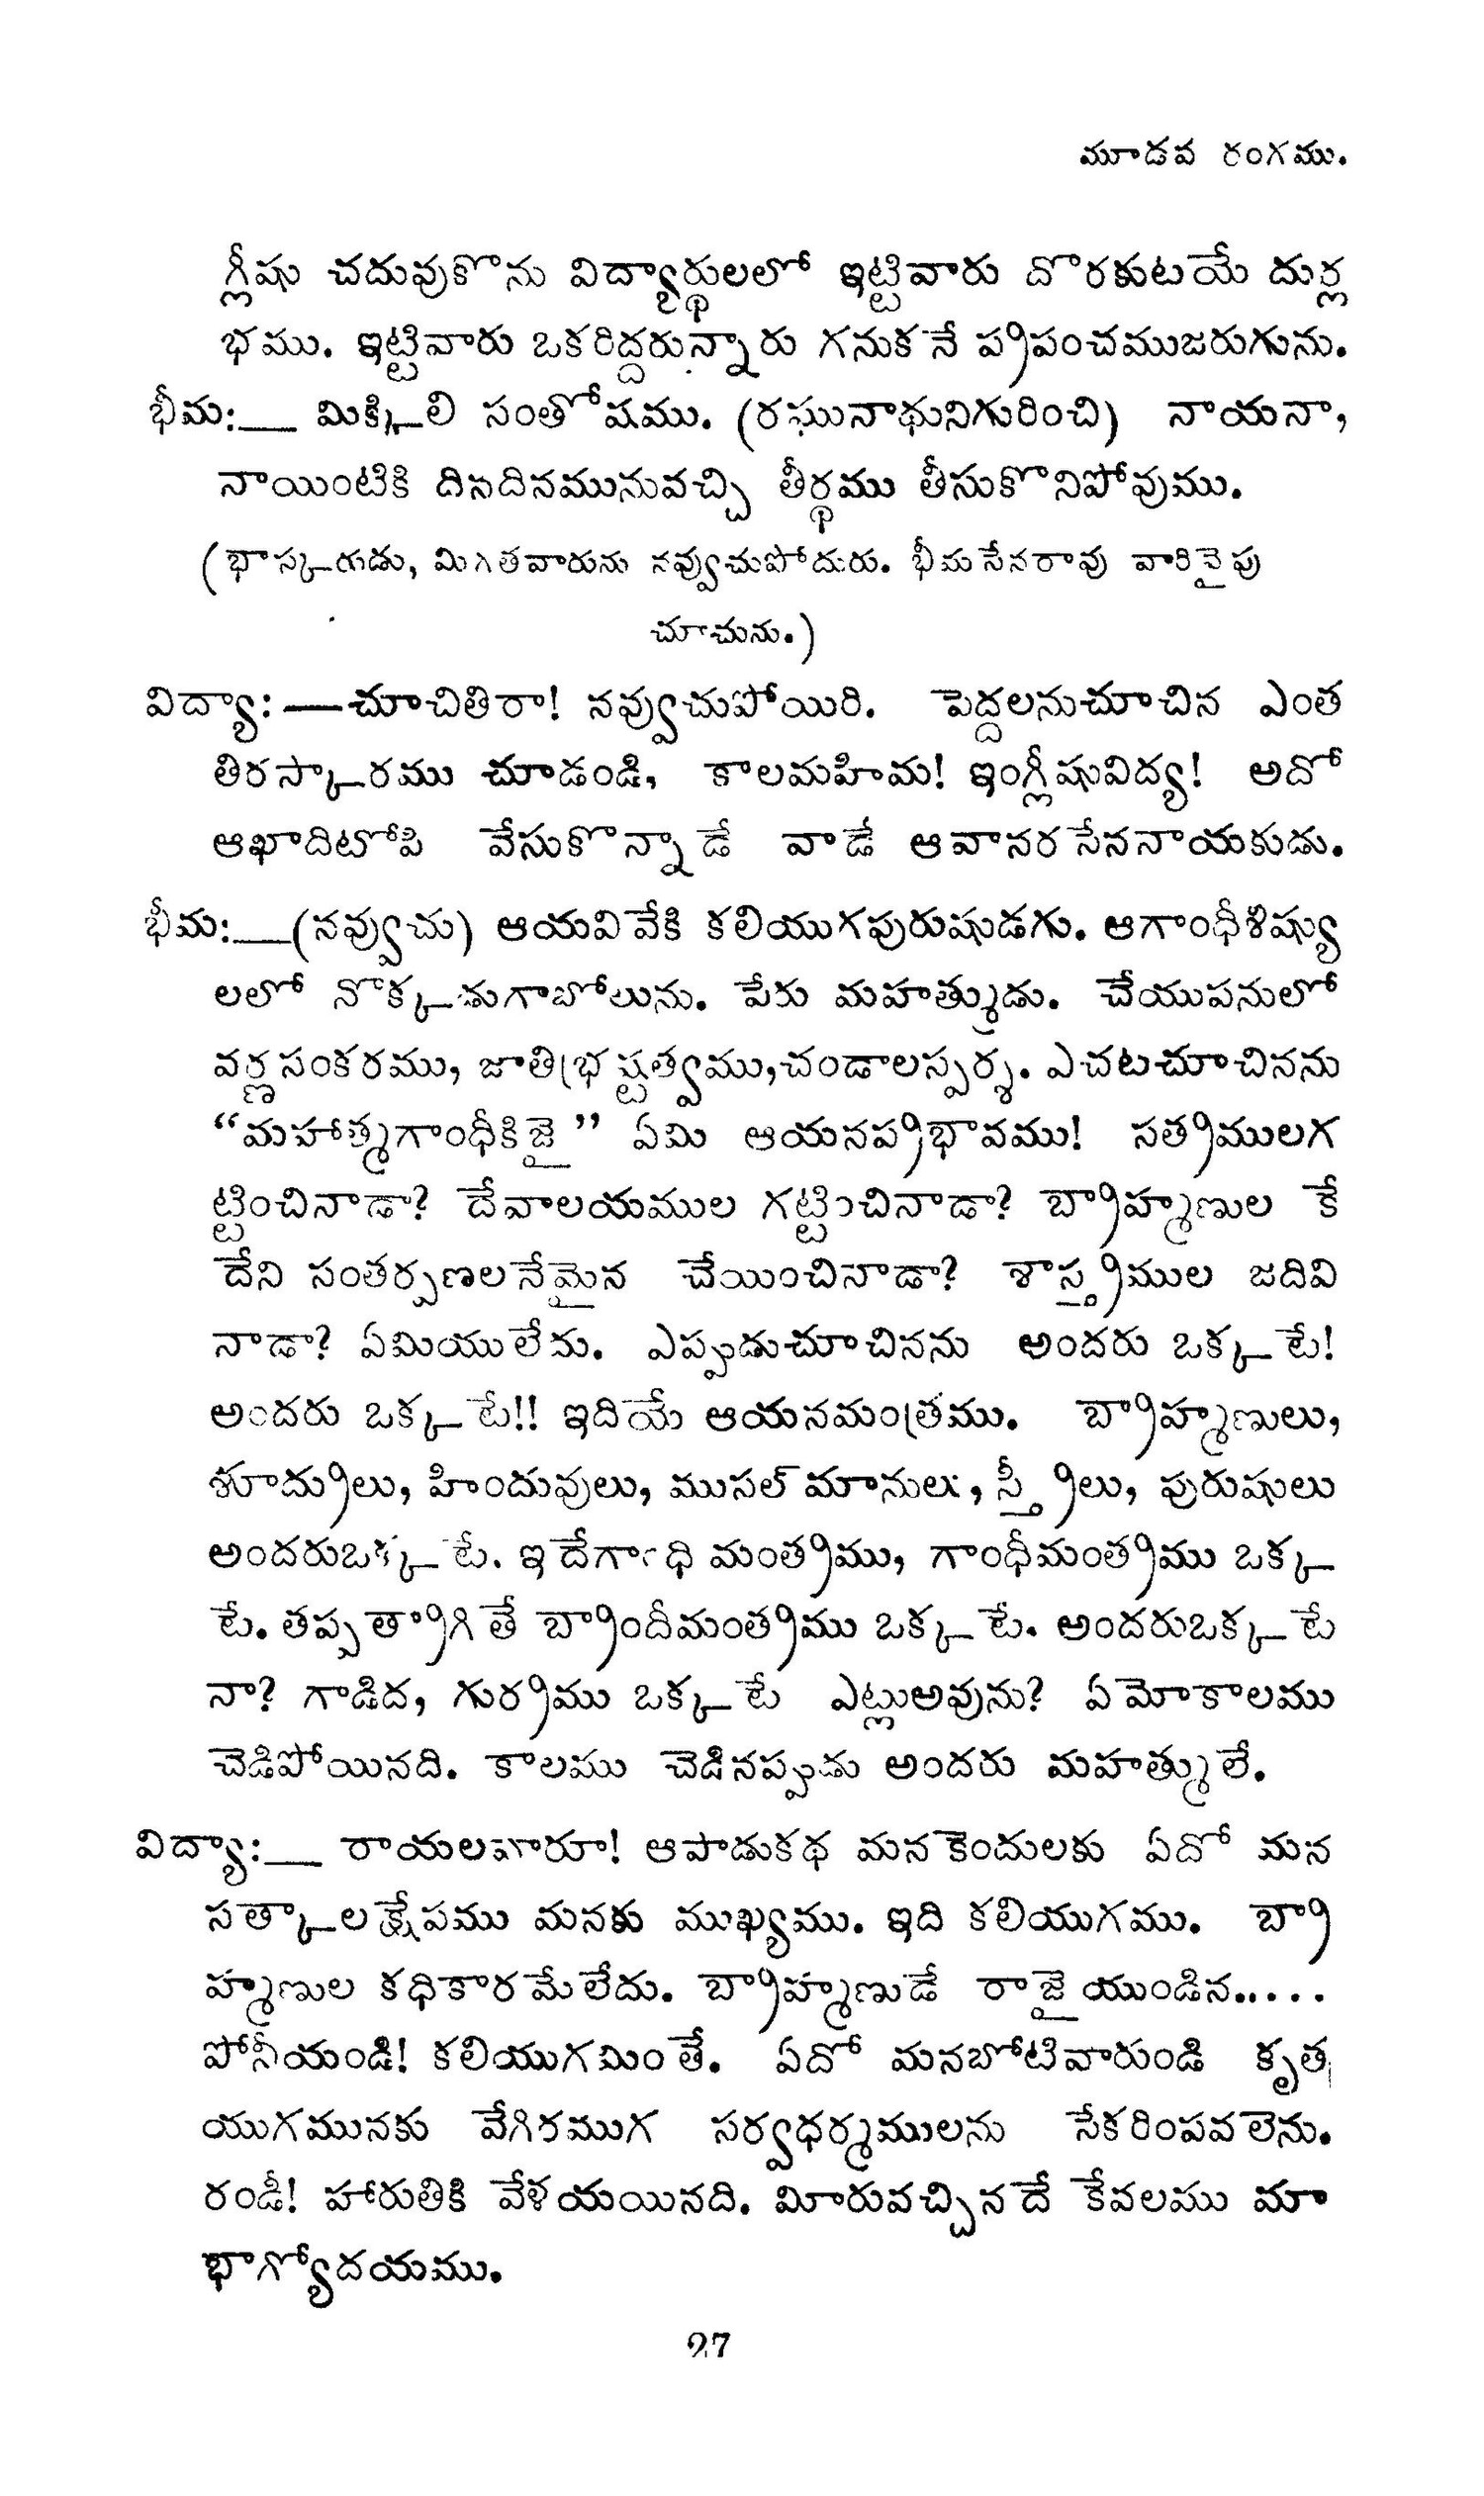గ్లీషు చదువుకొను విద్యార్థులలో ఇట్టి వారు దొరకుటయే దుర్ల
భము. ఇట్టివారు ఒక రిద్దరున్నారు గనుక నే ప్రపంచము జరుగును.

భీమ: __ మిక్కిలి సంతోషము. (రఘునాథునిగురించి) నాయనా,
నాయింటికి దినదినమును వచ్చి తీర్థము తీసుకొనిపోవుము.

(భాస్కరుడు, మిగతవారును నవ్వుచుపోదురు. భీమ సేన
రావు వారి వైపు చూచును.)

విద్యా: – చూచితి రా! నవ్వుచుపోయిరి. పెద్దలనుచూచిన ఎంత
తిరస్కారము చూడండి, కాలమహిమ! ఇంగ్లీషువిద్య! అదో
ఆ ఖాదిటోపి వేసుకొన్నాడే వాడే ఆ వానర సేన నాయకుడు.

భీమ: (నవ్వుచు) ఆయవివేకి కలియుగ పురుషుడగు. ఆగాంధీశిష్యు
లలో నొక్కడు గాబోలును. పేరు మహత్ముడు. చేయుపనులో
వర్ణసంకరము,జాతి భ్రష్టత్వము, చండాలస్పర్శ. ఎచట చూచినను
“మహాత్మగాంధీకి జై " ఏమి ఆయన ప్రభావము! సత్రములగ
ట్టించినాడా? దేవాలయముల గట్టించినాడా? బాహ్మణుల కే
దేని సంతర్పణల నేమైన చేయించినాడా? శాస్త్రముల జదివి
నాడా? ఏమియు లేదు. ఎప్పుడు చూచినను అందరు ఒక్కటే!
అందరు ఒక్కటే!! ఇదియే ఆయన మంత్రము. బాహ్మణులు,
శూద్రులు, హిందువులు, ముసల్ మానులు , స్త్రీలు, పురుషులు
అందరును ఒక్కటే, ఇ దేగాంధి మంతము, గాంధీమంత్రము ఒక్క
టే. తప్పతాగితే బ్రాందీమంత్రము ఒక్క టే. అందరు ఒక్కటే
నా? గాడిద, గురము ఒక్కటే ఎట్లు అవును? ఏమోకాలము
చెడి పోయినది. కాలము చెడినప్పుడు అందరు మహత్ము లే.

విద్యా:- రాయలవారూ! ఆ పాడుకథ మన కెందులకు ఏదో మన
సత్కాలక్షేపము మనకు ముఖ్యము. ఇది కలియుగము. బా
హ్మణుల కధికారమే లేదు. బాహ్మణుడే రాజై యుండిన... ... .
పోనీయండి! కలియుగ మింతే. ఏదో మనబోటివారుండి కృత
యుగమునకు వేగిరముగ సర్వధర్మములను సేకరింపవలెను.
రండీ! హారుతికి వేళయయినది. మీరువచ్చినదే కేవలము మా
భాగ్యోదయము.